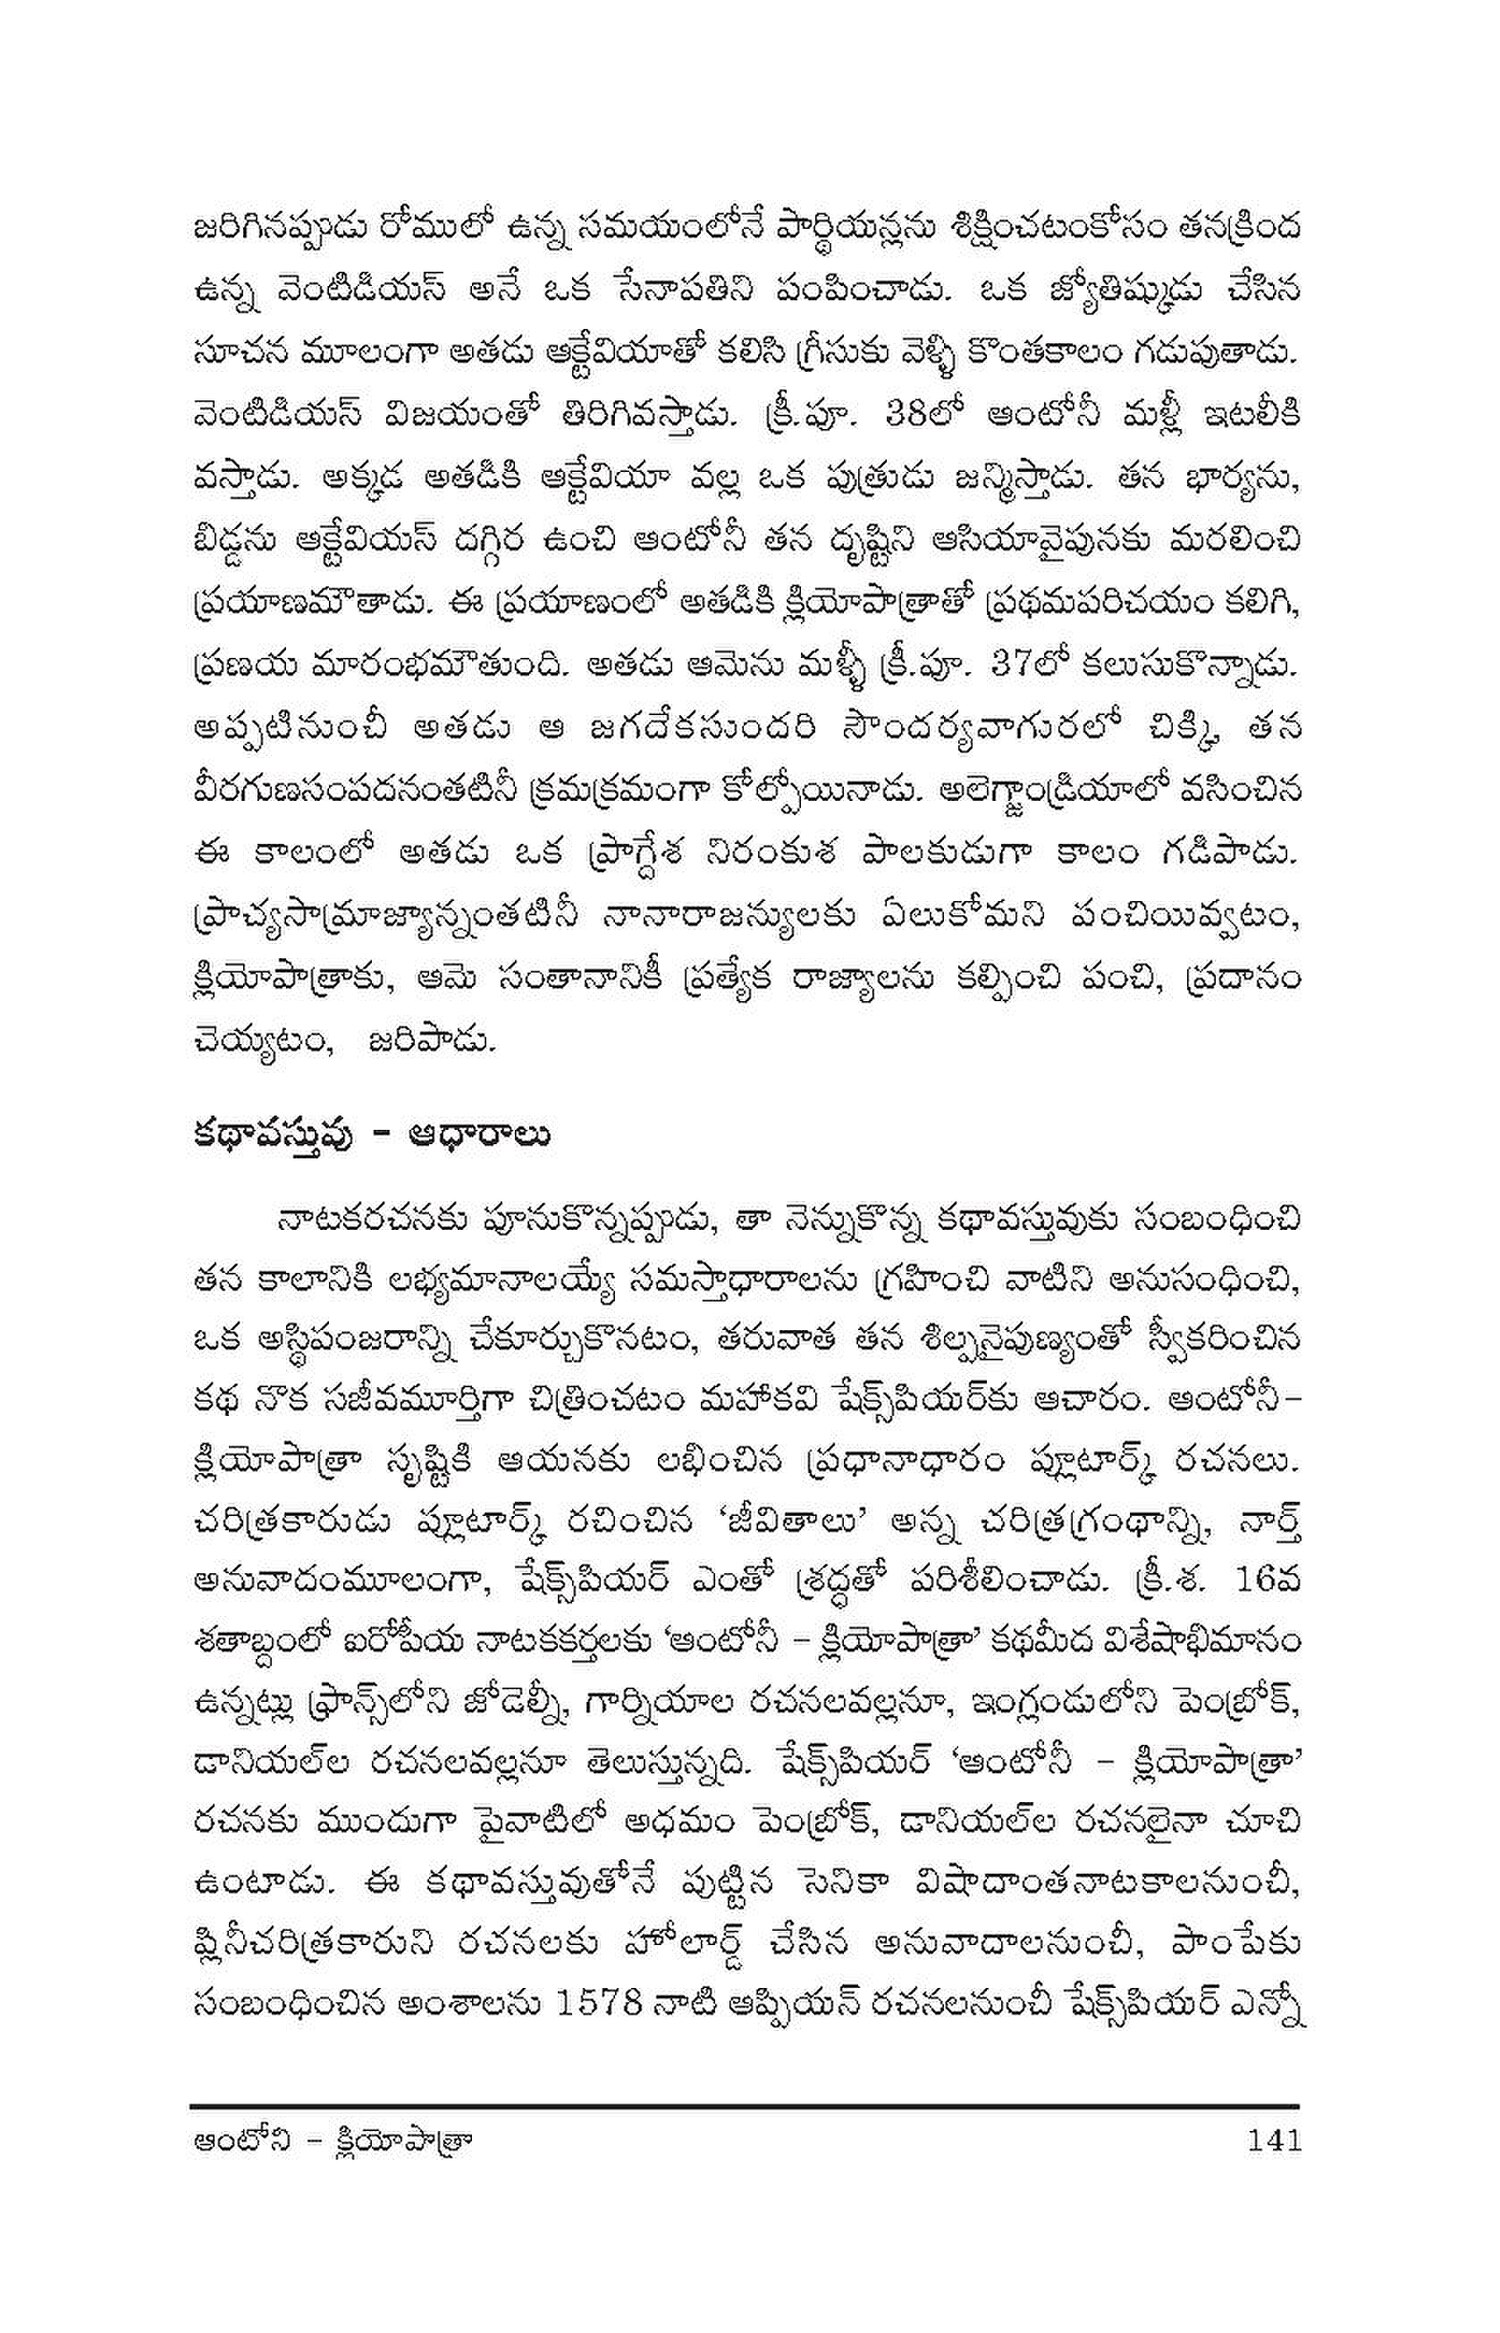జరిగినప్పుడు రోములో ఉన్న సమయంలోనే పార్టియన్లను శిక్షించటంకోసం తనక్రింద ఉన్న వెంటిడియస్ అనే ఒక సేనాపతిని పంపించాడు. ఒక జ్యోతిష్కుడు చేసిన సూచన మూలంగా అతడు ఆక్టేవియాతో కలిసి గ్రీసుకు వెళ్ళి కొంతకాలం గడుపుతాడు. వెంటిడియస్ విజయంతో తిరిగివస్తాడు. క్రీ.పూ. 38లో ఆంటోనీ మళ్లీ ఇటలీకి వస్తాడు. అక్కడ అతడికి ఆక్టేవియా వల్ల ఒక పుత్రుడు జన్మిస్తాడు. తన భార్యను, బిడ్డను ఆక్టేవియస్ దగ్గిర ఉంచి ఆంటోనీ తన దృష్టిని ఆసియావైపునకు మరలించి ప్రయాణమౌతాడు. ఈ ప్రయాణంలో అతడికి క్లియోపాత్రాతో ప్రథమపరిచయం కలిగి, ప్రణయ మారంభమౌతుంది. అతడు ఆమెను మళ్ళీ క్రీ.పూ. 37లో కలుసుకొన్నాడు. అప్పటినుంచీ అతడు ఆ జగదేకసుందరి సౌందర్యవాగురలో చిక్కి, తన వీరగుణసంపదనంతటినీ క్రమక్రమంగా కోల్పోయినాడు. అలెగ్జాండ్రియాలో వసించిన
ఈ కాలంలో అతడు ఒక ప్రార్దేశ నిరంకుశ పాలకుడుగా కాలం గడిపాడు. ప్రాచ్యసామ్రాజ్యాన్నంతటినీ నానారాజన్యులకు ఏలుకోమని పంచియివ్వటం, క్లియోపాత్రాకు, ఆమె సంతానానికీ ప్రత్యేక రాజ్యాలను కల్పించి పంచి, ప్రదానం
చెయ్యటం, జరిపాడు.

నాటకరచనకు పూనుకొన్నప్పుడు, తా నెన్నుకొన్న కథావస్తువుకు సంబంధించి తన కాలానికి లభ్యమానాలయ్యే సమస్తాధారాలను గ్రహించి వాటిని అనుసంధించి, ఒక అస్థిపంజరాన్ని చేకూర్చుకొనటం, తరువాత తన శిల్పనైపుణ్యంతో స్వీకరించిన కథ నొక సజీవమూర్తిగా చిత్రించటం మహాకవి షేక్స్పియర్కు ఆచారం. ఆంటోనీ -క్లియోపాత్రా సృష్టికి ఆయనకు లభించిన ప్రధానాధారం ప్లూటార్క్ రచనలు. చరిత్రకారుడు ప్లూటార్క్ రచించిన 'జీవితాలు' అన్న చరిత్రగ్రంథాన్ని, నార్త్
అనువాదంమూలంగా, షేక్స్పియర్ ఎంతో శ్రద్ధతో పరిశీలించాడు. క్రీ.శ. 16వ శతాబ్దంలో ఐరోపీయ నాటకకర్తలకు 'ఆంటోనీ - క్లియోపాత్రా' కథమీద విశేషాభిమానం ఉన్నట్లు ఫ్రాన్ లొని జోడెల్నీ, గార్నియాల రచనలవల్లనూ, ఇంగ్లండులోని పెంబ్రోక్, డానియల్ రచనలవల్లనూ తెలుస్తున్నది. షేక్స్పియర్ 'ఆంటోనీ - క్లియోపాత్రా' రచనకు ముందుగా పైవాటిలో అధమం పెంబ్రోక్, డానియల్ల రచనలైనా చూచి ఉంటాడు. ఈ కథావస్తువుతోనే పుట్టిన సెనికా విషాదాంత నాటకాలనుంచీ,
ప్లినీచరిత్రకారుని రచనలకు హోలార్డ్ చేసిన అనువాదాలనుంచీ, పాంపేకు సంబంధించిన అంశాలను 1578 నాటి ఆప్పియన్ రచనలనుంచీ షేక్స్పియర్ ఎన్నో